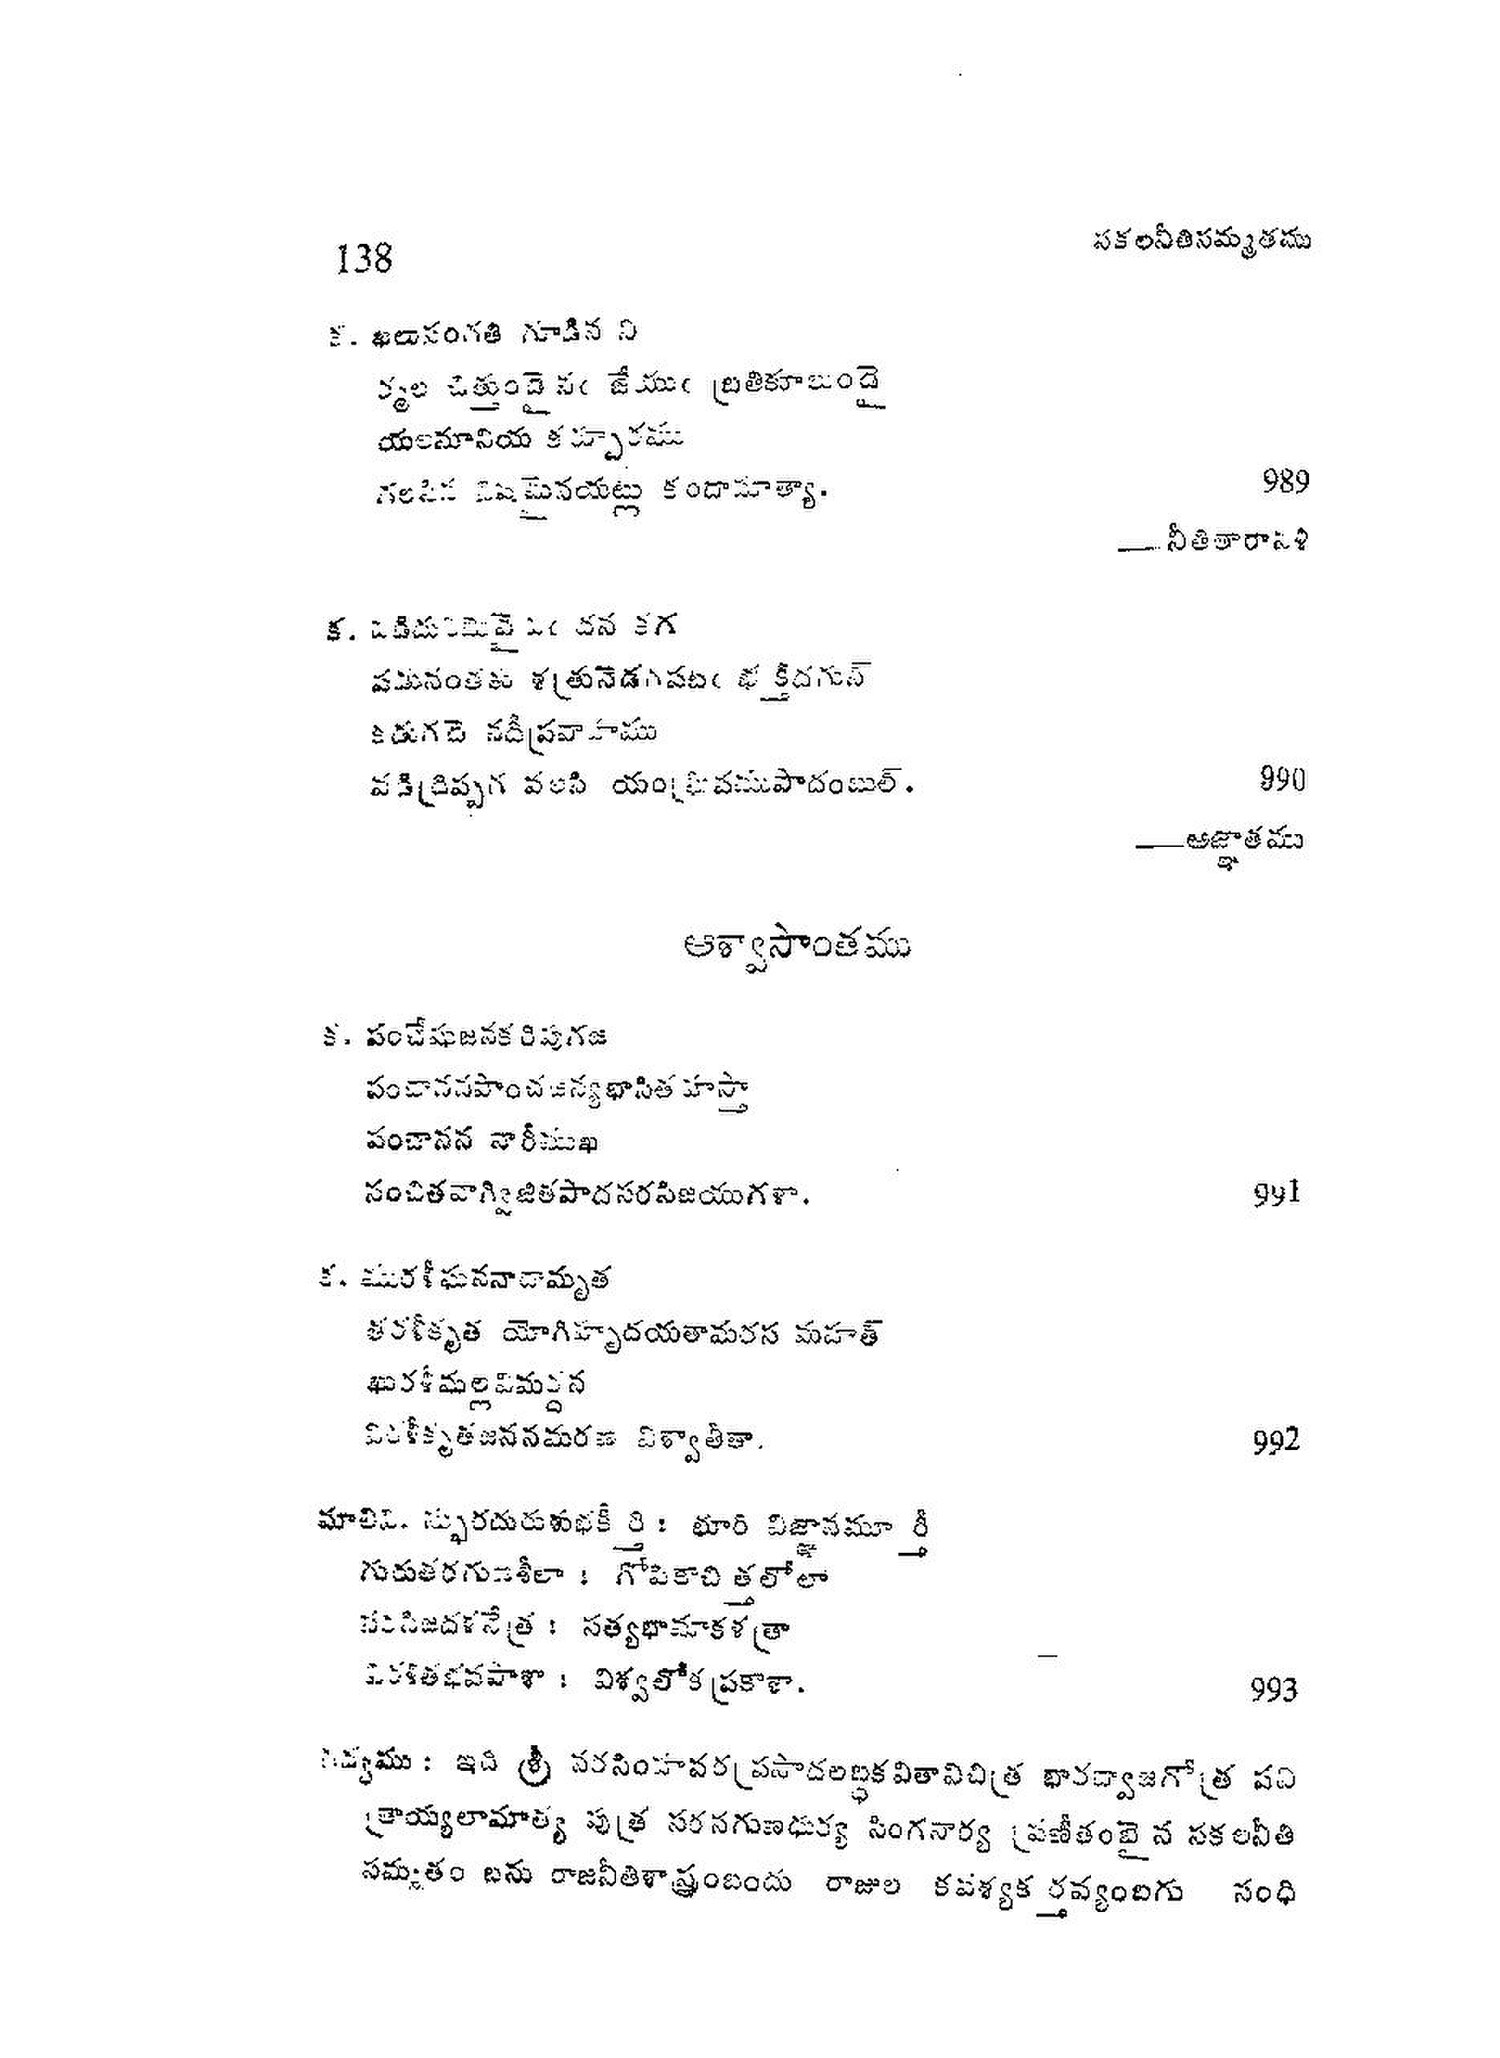క. ఖలుసంగతి గూడిన ని
ర్మలచిత్తుండైనఁ జేయుఁ బ్రతికూలుండై
యలనూనియ కర్పూరము
గలసిన విషమైనయట్లు కందామాత్యా. 989

క. వడిదునిమివైవఁ దన కగ
పడునంతకు శత్రునెడ గపటభక్తి దగున్
కడుగదె నదీప్రవాహము
వడిద్రిప్పగ వలసి యంఘ్రిపముపాదంబుల్. 990

క. పంచేషుజనకరిపుగజ
పంచాననపాంచజన్యభాసితహస్తా
పంచానన నారీముఖ
సంచితవాగ్విజితపాదసరసిజయుగళా. 991

క. మురళీఘననాదామృత
తరళీకృత యోగిహృదయతామరస మహత్
ఖురళీమల్లవిమర్దన
విరళీకృతజననమరణ విశ్వాతీతా. 992

మాలిని. స్ఫురదురుశుభకీర్తి! భూరి విజ్ఞానమూర్తీ!
గురుతరగుణశీలా! గోపికాచిత్తలోలా!
సరసిజదళనేత్ర! సత్యభామాకళత్రా!
విరళితభవపాశా! విశ్వలోకప్రకాశా. 993
గద్యము
ఇది శ్రీ సరసింహవరప్రసాదలబ్ధకవితావిచిత్ర భారద్వాజగోత్ర పవిత్రాయ్యలామాత్య పుత్ర సరసగుణధుర్య సింగనార్యప్రణీతంబైన సకలనీతిసమ్మతం బను రాజనీతిశాస్త్రంబందు రాజుల కవశ్యకర్తవ్యంబగు సంధి